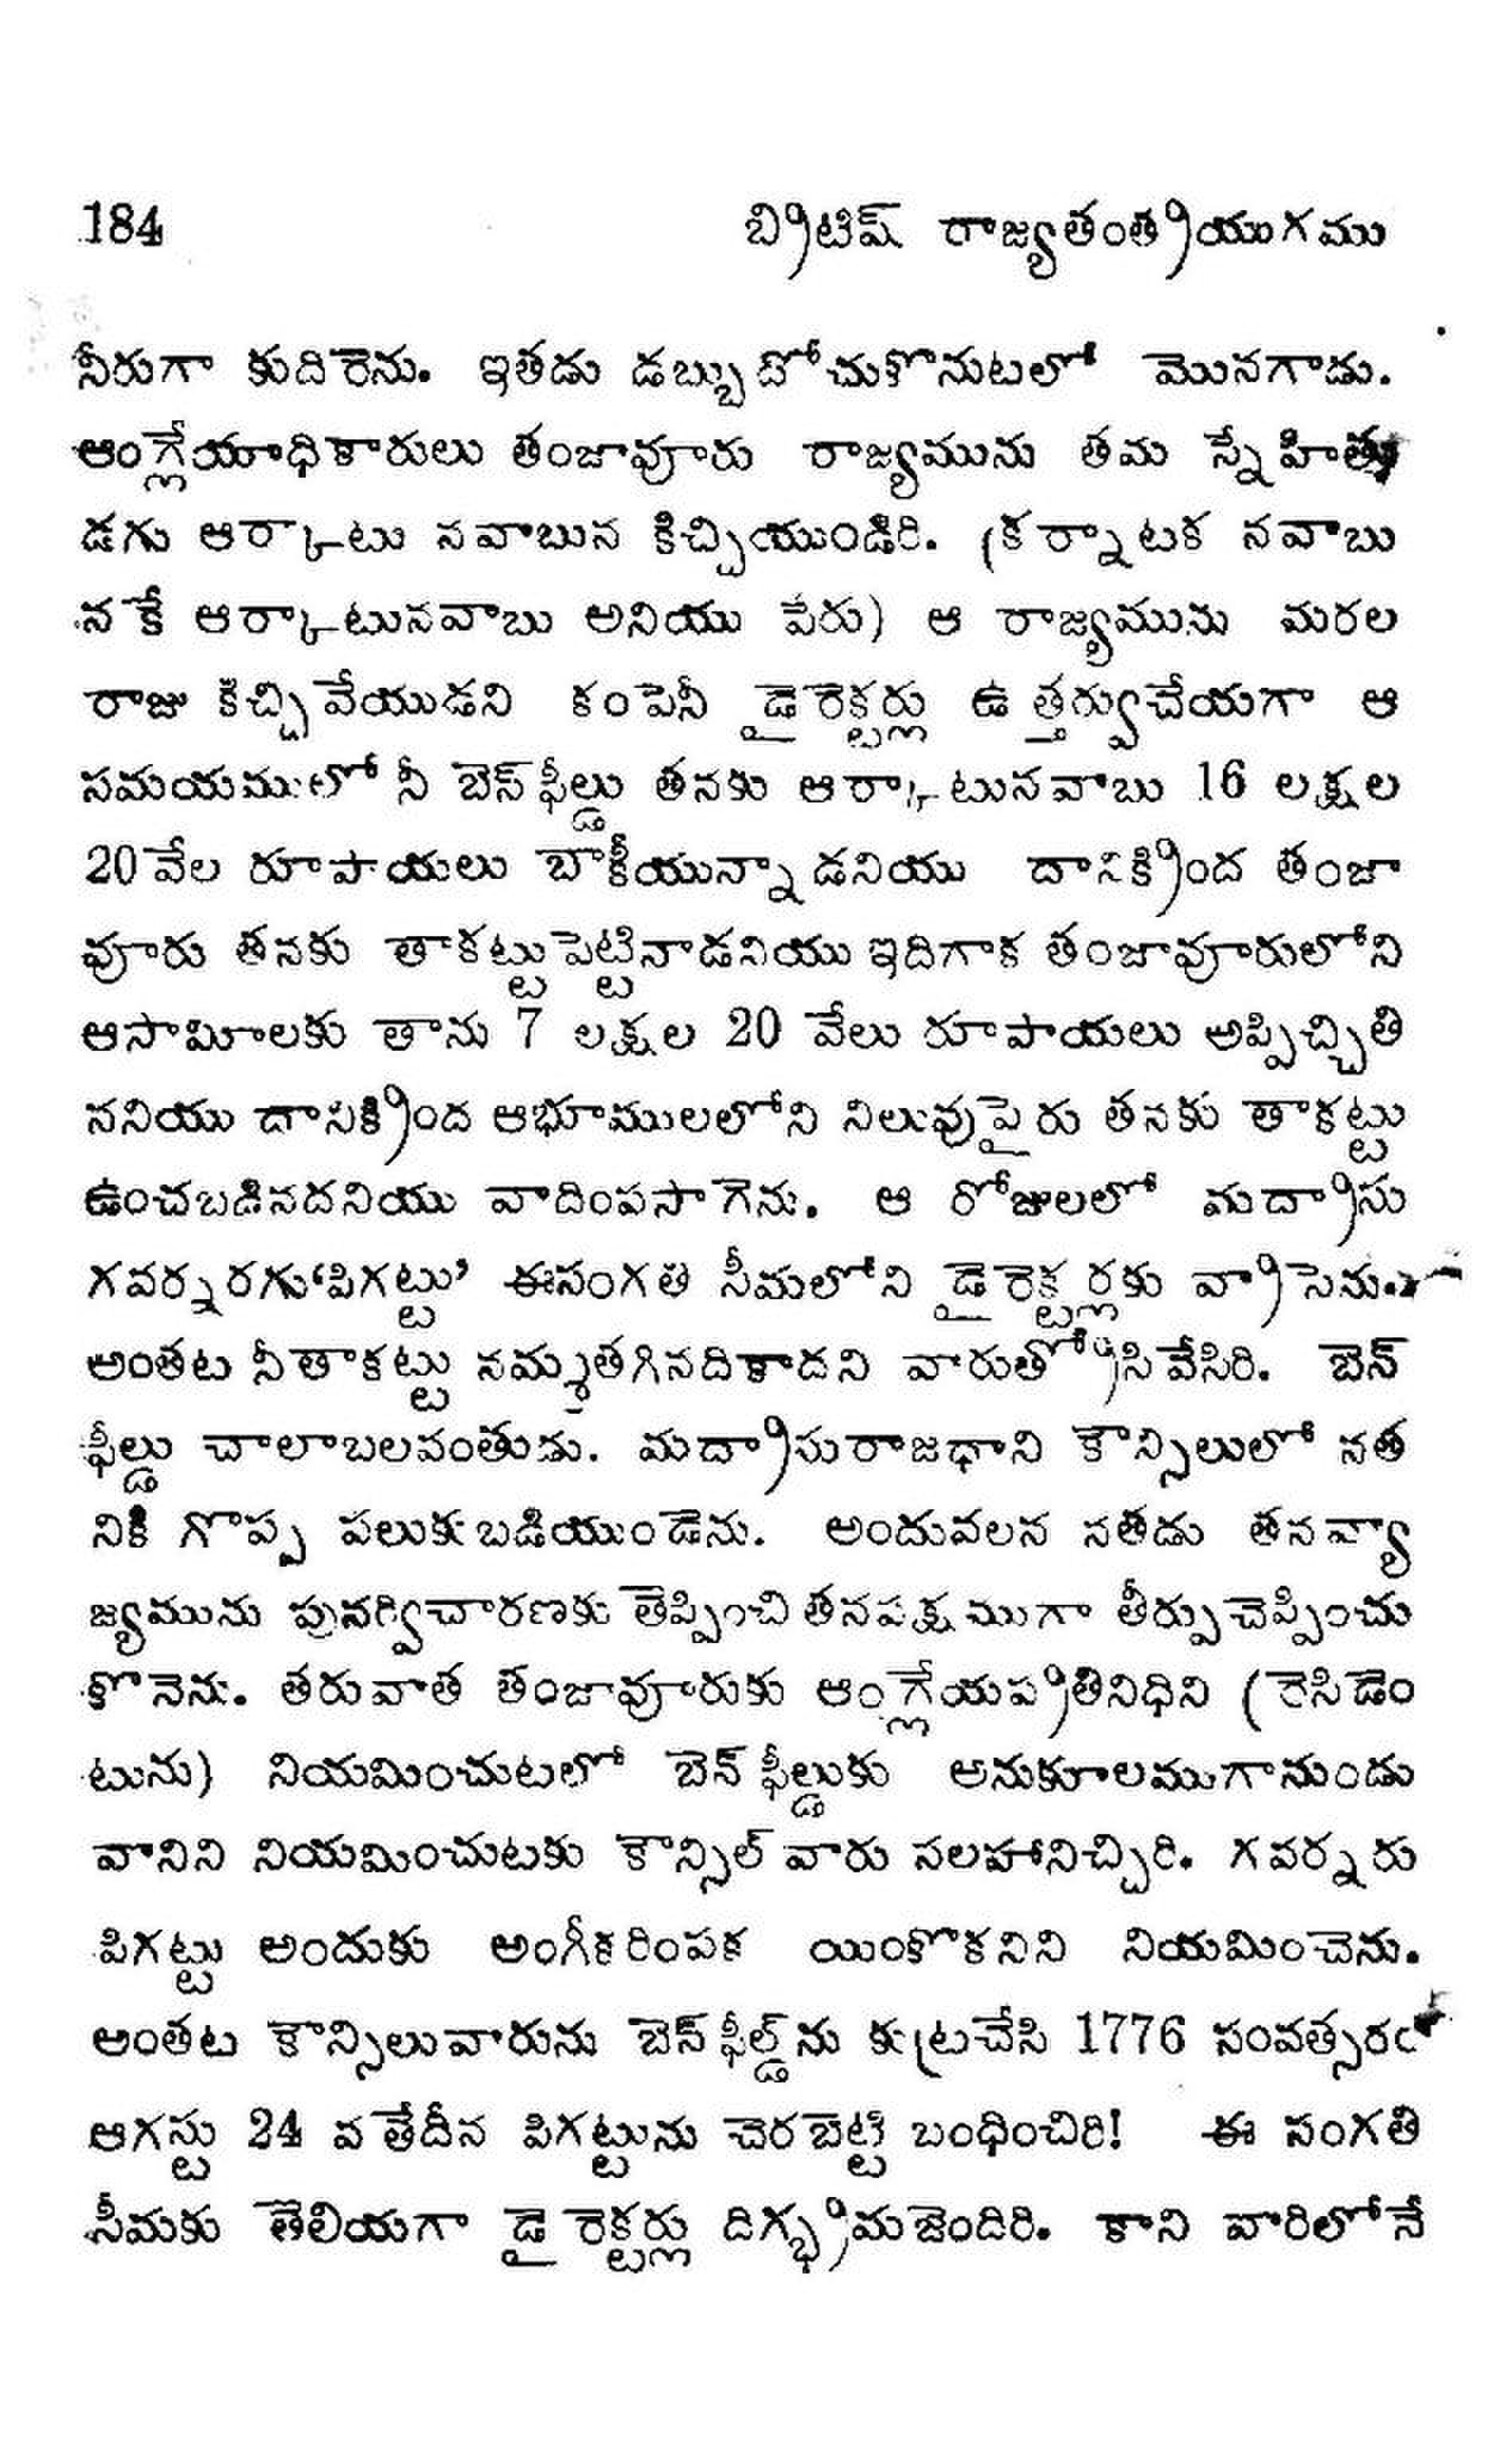నీరుగా కుదిరెను. ఇతడు డబ్బుదోచుకొనుటలో మొనగాడు . ఆంగ్లేయాధికారులు తంజావూరు రాజ్యమును తమ స్నేహితుడగు ఆర్కాటు నవాబున కిచ్చియుండిరి. (కర్నాటక నవాబునకే ఆర్కాటునవాబు అనియు పేరు) ఆ రాజ్యమును మరల రాజు కిచ్చివేయుడని కంపెనీ డైరెక్టర్లు ఉత్తర్వుచేయగా ఆ సమయములో నీ బెన్‌ఫీల్డు తనకు ఆర్కాటునవాబు 16 లక్షల 20 వేల రూపాయలు బాకీయున్నాడనియు దానిక్రింద తంజావూరు తనకు తాకట్టు పెట్టినాడనియు ఇదిగాక తంజావూరులోని ఆసామీలకు తాను 7 లక్షల 20 వేలు రూపాయలు అప్పిచ్చితి ననియు దానిక్రింద ఆభూములలోని నిలువుపైరు తనకు తాకట్టు ఉంచబడినదనియు వాదింపసాగెను. ఆ రోజులలో మద్రాసు గవర్నరగు 'పిగట్టు' ఈసంగతి సీమలోని డైరెక్టర్లకు వ్రాసెను." అంతట నీతాకట్టు నమ్మతగినదికాదని వారుత్రోసివేసిరి. బెన్‌ఫీల్డు చాలాబలవంతుడు. మద్రాసురాజధాని కౌన్సిలులో నతనికి గొప్ప పలుకుబడియుండెను. అందువలన నతడు తనవ్యాజ్యమును పునర్విచారణకు తెప్పించి తనపక్షముగా తీర్పుచెప్పించుకొనెను. తరువాత తంజావూరుకు ఆంగ్లేయప్రతినిధిని (రెసిడెంటును) నియమించుటలో బెన్‌ఫీల్డుకు అనుకూలముగానుండు వానిని నియమించుటకు కౌన్సిల్ వారు సలహానిచ్చిరి. గవర్నరు పిగట్టు అందుకు అంగీకరింపక యింకొకనిని నియమించెను. అంతట కౌన్సిలువారును బెన్‌ఫీల్డ్‌ను కుట్రచేసి 1776 సంవత్సరం ఆగస్టు 24 వ తేదీన పిగట్టును చెరబెట్టి బంధించిరి! ఈ సంగతి సీమకు తెలియగా డైరెక్టర్లు దిగ్భ్రమజెందిరి. కాని వారిలోనే